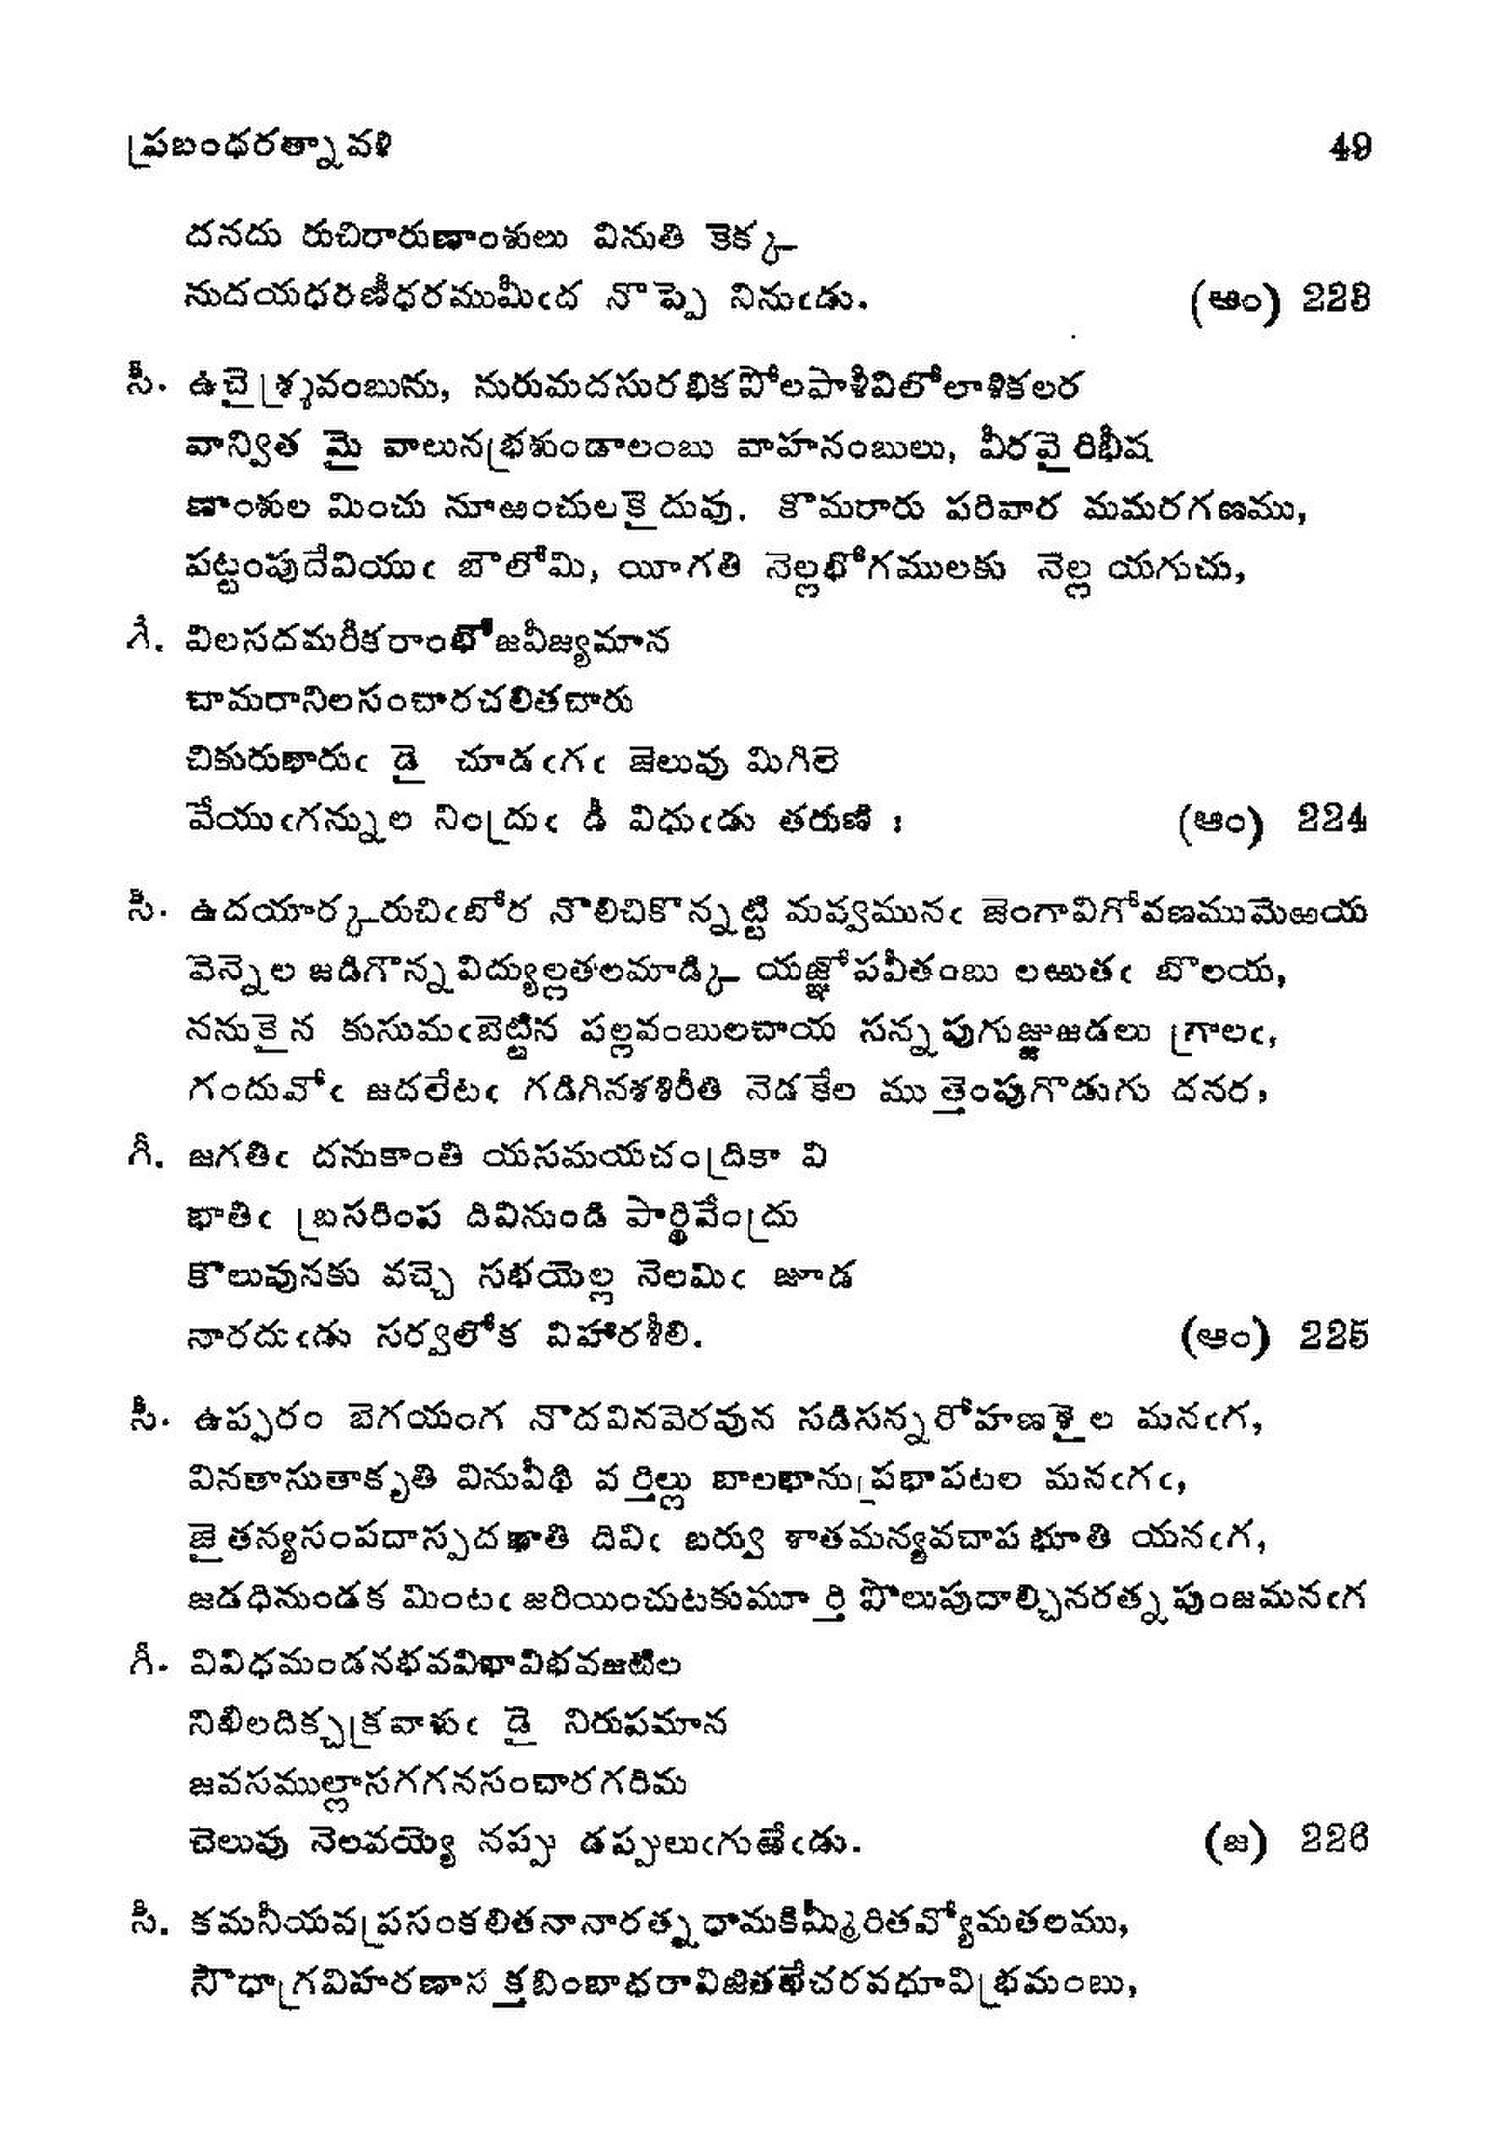దనదు రుచిరారుణంశులు వినుతి కెక్క
నుదయ ధరణీధరము మీఁద నొప్పె నినుఁడు. (ఆం) 223

సీ. ఉచ్చైశ్శ్రవంబును, నురుమద సురభి కపోలపాళీవిలోలాళికలర
వాన్వితమై వాలునభ్రశుండాలంబు వాహనంబులు, వీరవైరిభీష
ణాంశుల మించు నూఱంచుల కైదువు, కొమరారు పరివార మమరగణము
పట్టంపుదేవియుఁ బౌలోమి, యీగతి నెల్లభోగములకు నెల్ల యగుచు,
గీ. విలసదమరీ కరాంభోజ వీజ్యమాన
చామరానిలసంచార చలితచారు
చికురభారుఁడై చూడఁగఁ జెలువు మిగిలె
వేయుఁగన్నుల నింద్రుఁ డీ విభుఁడు తరుణి! (ఆం) 224

సీ. ఉదయార్కరుచిఁబోర నొలిచికొన్నట్టి మ వ్వమునఁ జెంగావి గోవణము మెఱయ,
వెన్నెల జడిగొన్న విద్యుల్లతలమాడ్కి యజ్ఞోపవీతంబు లఱుతఁ బొలయ,
ననుకైన కుసుమఁబెట్టిన పల్లవంబుల చాయ సన్నపుగుజ్జుజడలు గ్రాలఁ,
గందువోఁ జదలేటఁ గడిగిన శశిరీతి నెడకేల ముత్తెంపుగొడుగు దనర,
గీ. జగతిఁ దనుకాంతి యసమయచంద్రికావి
భాతిఁ బ్రసరింప దివినుండి పార్థివేంద్రు
కొలువునకు వచ్చె సభయెల్ల నెలమిఁ జూడ
నారదుఁడు సర్వలోకవిహారశీలి. (ఆం) 225

సీ. ఉప్పరం బెగయఁగ నొదవిన వెరవున నడిసన్నరోహణశైలమనఁగ
వినతాసుతాకృతి వినువీధి వర్తిల్లు బాలభానుప్రభాపటలమనఁగఁ
జైతన్యసంపదాస్పదభాతి దివిఁ బర్వు శాతమన్యవచాపభూతి యనఁగ
జడధి నుండక మింటఁ జరియించుటకు మూర్తి పొలుపు దాల్చిన రత్నపుంజమనఁగ
తే. వివిధమండనభవవిభావిభవజటిల
నిఖిలదిక్చక్రవాళుడై నిరుపమాన
జవసముల్లాసగగనసంచారగరిమ
చెలువు నెలవయ్యె నప్పు డప్పులుఁగుఱేఁడు. (జ) 223

సీ. కమనీయవప్రసంకలితనానారత్నధామకిమ్మీరిత వ్యోమతలము,
సౌధాగ్రవిహరణాసక్తబింబాధరావిజితఖేచరవధూవిభ్రమంబు,